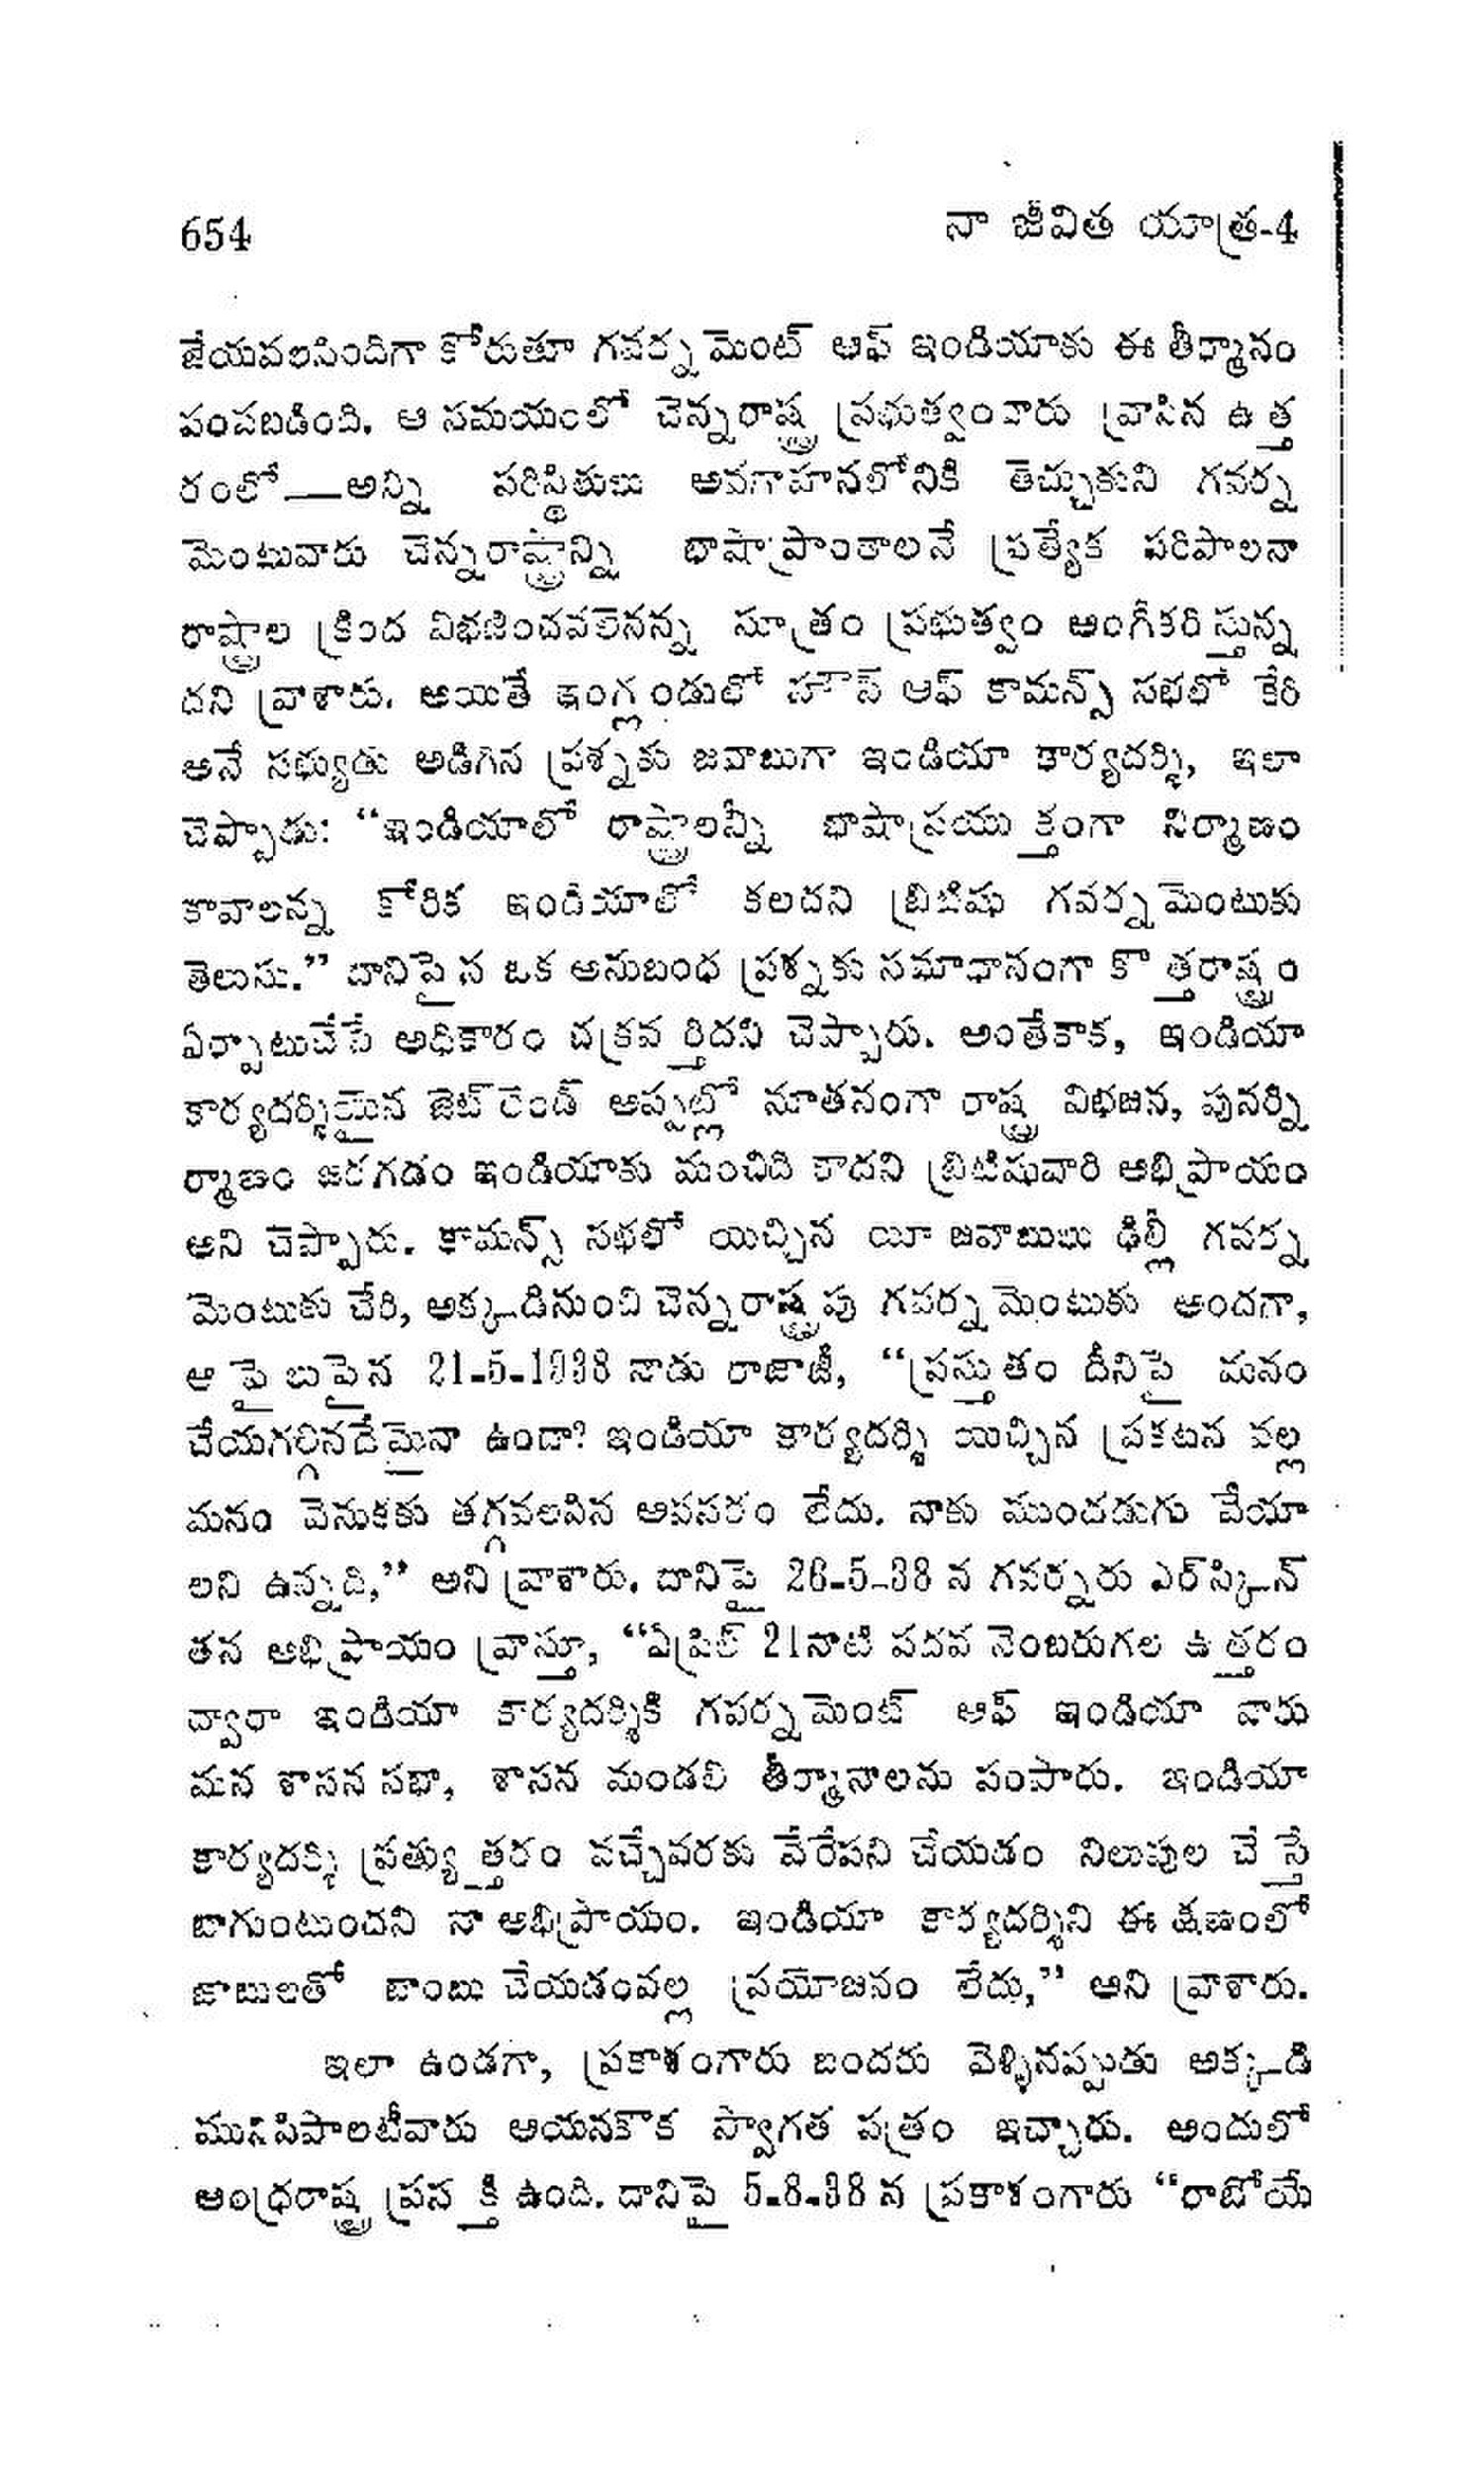జేయవలసిందిగా కోరుతూ గవర్నమెంట్ ఆఫ్ ఇండియాకు ఈ తీర్మానం పంపబడింది. ఆ సమయంలో చెన్నరాష్ట్ర ప్రభుత్వంవారు వ్రాసిన ఉత్తరంలో - అన్ని పరిస్థితులు అవగాహన లోనికి తెచ్చుకుని గవర్నమెంటువారు చెన్నరాష్ట్రాన్ని భాషాప్రాంతాలనే ప్రత్యేక పరిపాలనా రాష్ట్రాల క్రింద విభజించవలెనన్న సూత్రం ప్రభుత్వం అంగీకరిస్తున్నదని వ్రాశారు. అయితే ఇంగ్లండులో హౌస్ ఆఫ్ కామన్స్ సభలో కేరి అనే సభ్యుడు అడిగిన ప్రశ్నకు జవాబుగా ఇండియా కార్యదర్శి, ఇలా చెప్పాడు: "ఇండియాలో రాష్ట్రాలన్నీ భాషాప్రయుక్తంగా నిర్మాణం కావాలన్న కోరిక ఇండియాలో కలదని బ్రిటిషు గవర్నమెంటుకు తెలుసు." దానిపైన ఒక అనుబంధ ప్రశ్నకు సమాధానంగా కొత్తరాష్ట్రం ఏర్పాటుచేసే అధికారం చక్రవర్తిదని చెప్పారు. అంతేకాక, ఇండియా కార్యదర్శియైన జెట్‌రెండ్ అప్పట్లో నూతనంగా రాష్ట్ర విభజన, పునర్నిర్మాణం జరగడం ఇండియాకు మంచిది కాదని బ్రిటిషువారి అభిప్రాయం అని చెప్పారు. కామన్స్ సభలో యిచ్చిన యీ జవాబులు డిల్లీ గవర్నమెంటుకు చేరి, అక్కడినుంచి చెన్న రాష్ట్రపు గవర్నమెంటుకు అందగా, ఆ ఫైలుపైన 21-5-1938 నాడు రాజాజీ, "ప్రస్తుతం దీనిపై మనం చేయగల్గినదేమైనా ఉందా? ఇండియా కార్యదర్శి యిచ్చిన ప్రకటన వల్ల మనం వెనుకకు తగ్గవలసిన అవసరం లేదు. నాకు ముందడుగు వేయాలని ఉన్నది," అని వ్రాశారు. దానిపై 26-5-38 న గవర్నరు ఎర్‌స్కిన్ తన అభిప్రాయం వ్రాస్తూ, "ఏప్రిల్ 21 నాటి పదవ నెంబరుగల ఉత్తరం ద్వారా ఇండియా కార్యదర్శికి గవర్నమెంట్ ఆఫ్ ఇండియా వారు మన శాసన సభా, శాసన మండలి తీర్మానాలను పంపారు. ఇండియా కార్యదర్శి ప్రత్యుత్తరం వచ్చే వరకు వేరేపని చేయడం నిలుపుల చేస్తే బాగుంటుందని నా అభిప్రాయం. ఇండియా కార్యదర్శిని ఈ క్షణంలో జాబులతో బాంబు చేయడంవల్ల ప్రయోజనం లేదు," అని వ్రాశారు.

ఇలా ఉండగా, ప్రకాశంగారు బందరు వెళ్ళినప్పుడు అక్కడి మునిసిపాలటీవారు ఆయనకొక స్వాగత పత్రం ఇచ్చారు. అందులో ఆంధ్రరాష్ట్ర ప్రసక్తి ఉంది. దానిపై 5-8-38 న ప్రకాశంగారు "రాబోయే